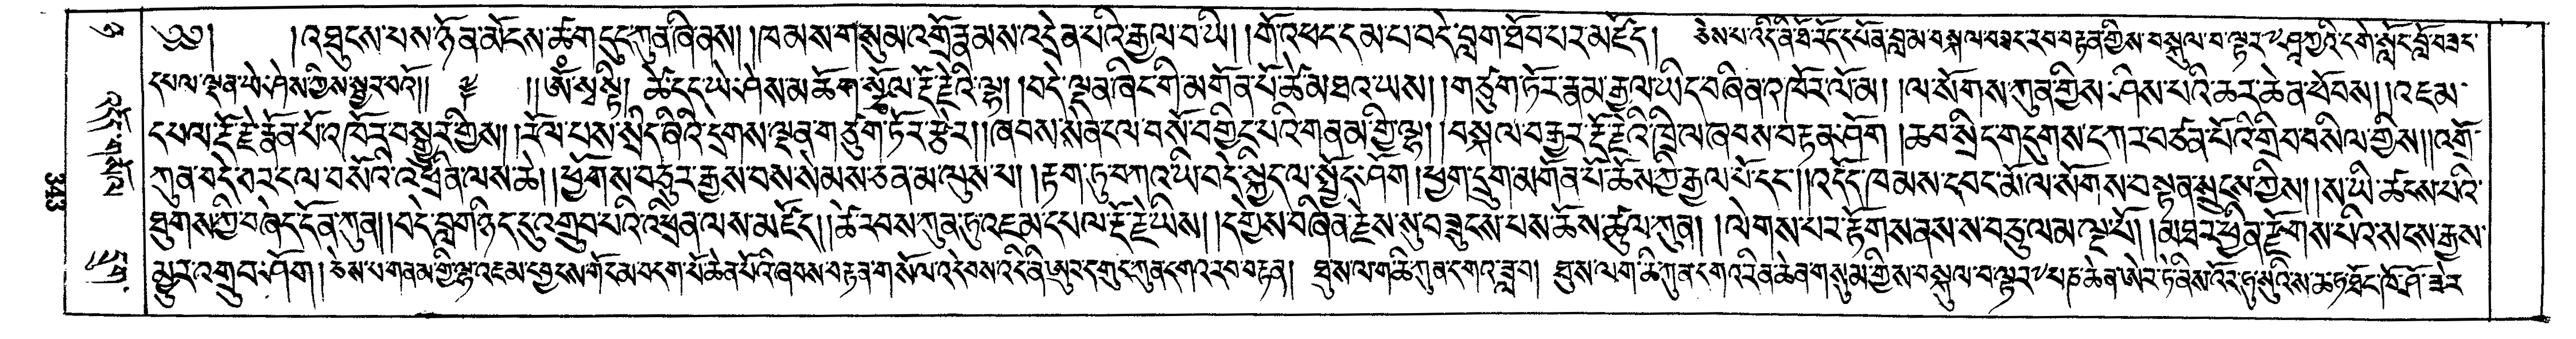༄༅། །འཐུངས་པས་ཉོན་མོངས་ཚ་གདུང་ཀུན་ཞི་ནས། །ཁམས་གསུམ་འགྲོ་རྣམས་འདྲེན་པའི་རྒྱལ་བ་ཡི། །གོ་འཕང་དམ་པ་བདེ་བླག་ཐོབ་པར་མཛོད། ཅེས་པ་འདི་ནི་ཐོ་རྡོ་དཔོན་བླ་མ་བསྐལ་བཟང་རབ་བརྟན་གྱིས་བསྐུལ་བ་ལྟར ༧ཤཱཀྱའི་དགེ་སློང་བློ་བཟང་
དཔལ་ལྡན་ཡེ་ཤེས་ཀྱིས་སྦྱར་བའོ།། ༈ །།ཨོཾ་སྭསྟི། ཚེ་དང་ཡེ་ཤེས་མཆོག་སྩོལ་རྡོ་རྗེའི་ལྷ། །བདེ་ལྡན་ཞིང་གི་མགོན་པོ་ཚེ་མཐའ་ཡས། །གཙུག་ཏོར་རྣམ་རྒྱལ་ཡིད་བཞིན་འཁོར་ལོ་མ། །ལ་སོགས་ཀུན་གྱིས་ཤིས་པའི་ཆར་ཆེན་ཕོབས། །འཇམ་
དཔལ་རྡོ་རྗེ་རྣོན་པོ་འཁོར་བསྒྱུར་གྱིས། །རོལ་བས་སྲིད་ཞིའི་དྲེགས་ལྡན་གཙུག་ཏོར་རྩེར། །ཞབས་སེན་ངལ་བསོ་བགྱིད་པའི་གནམ་གྱི་ལྷ། །བསྐལ་བརྒྱར་རྡོ་རྗེའི་ཁྲི་ལ་ཞབས་བརྟན་ཤོག །ཆབ་སྲིད་གདུགས་དཀར་བཙན་པོའི་གྲིབ་བསིལ་གྱིས། །འགྲོ་
ཀུན་བདེ་བར་ངལ་བསོའི་འཕྲིན་ལས་ཆེ། །ཕྱོགས་བཅུར་རྒྱས་པས་སེམས་ཅན་མ་ལུས་པ། །རྟག་ཏུ་བཀའ་ཡི་བདེ་སྐྱིད་ལ་སྤྱོད་ཤོག །ཕྱག་དྲུག་མགོན་པོ་ཆོས་ཀྱི་རྒྱལ་པོ་དང་། །འདོད་ཁམས་དབང་མོ་ལ་སོགས་བསྟན་སྲུངས་ཀྱིས། །ས་ཡི་ཚངས་པའི་
ཐུགས་ཀྱི་བཞེད་དོན་ཀུན། །བདེ་བླག་ཉིད་དུ་འགྲུབ་པའི་འཕྲིན་ལས་མཛོད། །ཚེ་རབས་ཀུན་ཏུ་འཇམ་དཔལ་རྡོ་རྗེ་ཡིས། །དགྱེས་བཞིན་རྗེས་སུ་བཟུངས་པས་ཆོས་ཚུལ་ཀུན། །ལེགས་པར་རྟོགས་ནས་ས་བཅུ་ལམ་ལྔ་པོ། །མཐར་ཕྱིན་རྫོགས་པའི་སངས་རྒྱས་
མྱུར་འགྲུབ་ཤོག །ཅེས་པ་གནམ་གྱི་ལྷ་འཇམ་དབྱངས་གོང་མ་བདག་པོ་ཆེན་པོའི་ཞབས་བརྟན་གསོལ་འདེབས་འདི་ནི་ཨུ་རང་གུང་ཀུན་དགའ་རབ་བརྟན། ཐུས་ལག་ཆི་ཀུན་དགའ་ཟླ་བ། ཐུ་ས་ལག་ཆི་ཀུན་དགའ་རིན་ཆེན་གསུམ་གྱིས་བསྐུལ་བ་ལྟར ༧བཎ་ཆེན་ཨེར་ཏེ་ནིས་འོར་ཏུ་སུའི་ས་ཆ་ཧ་ཐོང་ཁོ་ཤོ་ཟེར་